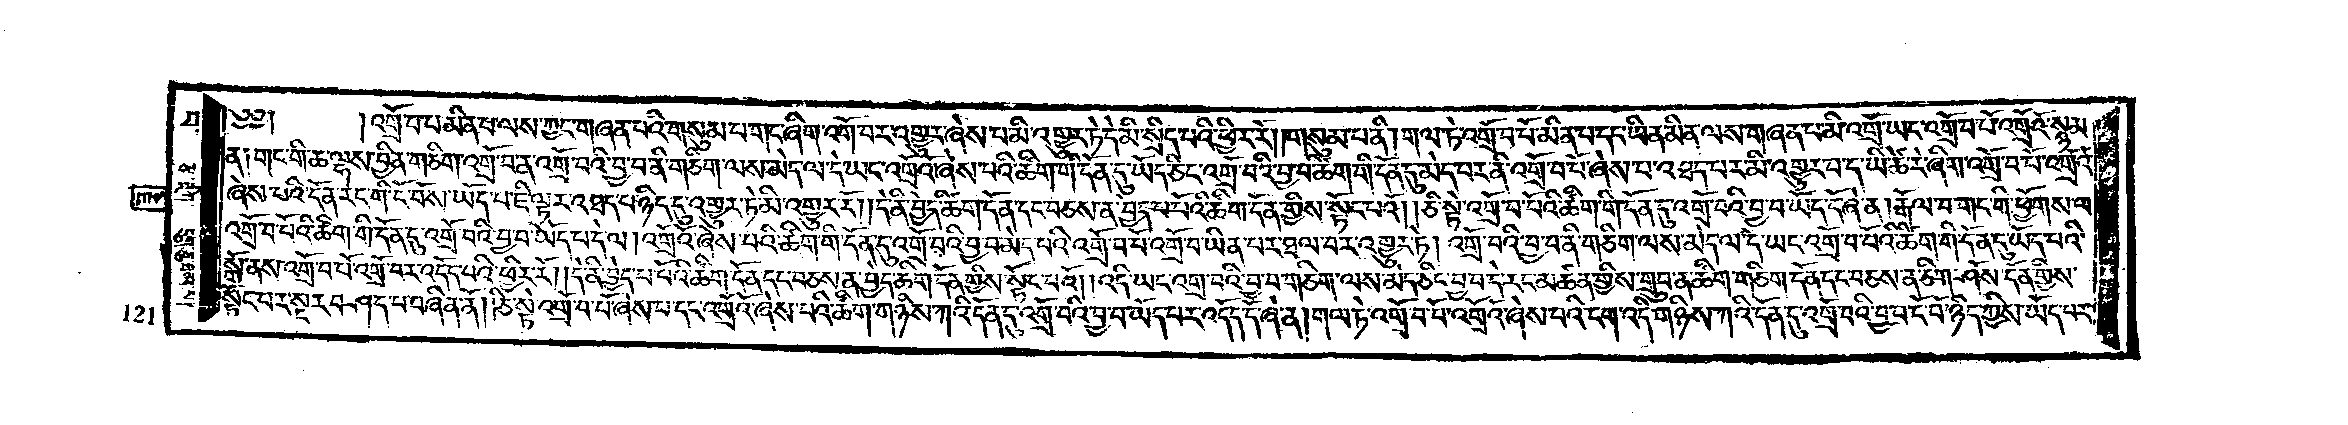༄༅། །འགྲོ་བ་པ་མིན་པ་ལས་ཀྱང་གཞན་པའི་གསུམ་པ་གང་ཞིག་འགྲོ་བར་འགྱུར་ཞེས་པ་མི་འགྱུར་ཏེ་དེ་མི་སྲིད་པའི་ཕྱིར་རོ། །གསུམ་པ་ནི། གལ་ཏེ་འགྲོ་བ་པོ་མིན་པ་དང་ཡིན་མིན་ལས་གཞན་པ་མི་འགྲོ་ཡང་འགྲོ་བ་པོ་འགྲོའོ་སྙམ་
ན༑ གང་གི་ཆ་ལྷས་བྱིན་གཅིག་འགྲོ་བ་ན་འགྲོ་བའི་བྱ་བ་ནི་གཅིག་ལས་མེད་ལ་དེ་ཡང་འགྲོའོ་ཞེས་པའི་ཚིག་གི་དོན་དུ་ཡོད་ཅིང་འགྲོ་བའི་བྱ་བ་ཚིག་གི་དོན་དུ་མེད་པར་ནི་འགྲོ་བ་པོ་ཞེས་པ་འཐད་པར་མི་འགྱུར་བ་དེ་ཡི་ཚེ་རེ་ཞིག་འགྲོ་བ་པོ་འགྲོའོ་
ཞེས་པའི་དོན་རང་གི་ངོ་བོས་ཡོད་པ་ཇི་ལྟར་འཐད་པ་ཉིད་དུ་འགྱུར་ཏེ་མི་འགྱུར་རོ། །དེ་ནི་བྱེད་ཚིག་དོན་དང་བཅས་ན་བྱེད་པ་པོའི་ཚིག་དོན་གྱིས་སྟོང་པའོ། །ཅི་སྟེ་འགྲོ་བ་པོའི་ཚིག་གི་དོན་དུ་འགྲོ་བའི་བྱ་བ་ཡོད་དོ་ཞེ་ན། རྒོལ་བ་གང་གི་ཕྱོགས་ལ་
འགྲོ་བ་པོའི་ཚིག་གི་དོན་དུ་འགྲོ་བའི་བྱ་བ་ཡོད་པ་དེ་ལ། འགྲོའོ་ཞེས་པའི་ཚིག་གི་དོན་དུ་འགྲོ་བའི་བྱ་བ་མེད་པའི་འགྲོ་བ་པོ་འགྲོ་བ་ཡིན་པ་ཐལ་བར་འགྱུར་ཏེ། འགྲོ་བའི་བྱ་བ་ནི་གཅིག་ལས་མེད་ལ་དེ་ཡང་འགྲོ་བ་པོའི་ཚིག་གི་དོན་དུ་ཡོད་པའི་
སྒོ་ནས་འགྲོ་བ་པོ་འགྲོ་བར་འདོད་པའི་ཕྱིར་རོ། །དེ་ནི་བྱེད་པ་པོའི་ཚིག་དོན་དང་བས་ན་བྱེད་ཚིག་དོན་གྱིས་སྟོང་པའོ། །འདི་ཡང་འགྲོ་བའི་བྱ་བ་གཅིག་ལས་མེད་ཅིང་བྱ་བ་དེ་རང་མཚན་གྱིས་གྲུབ་ན་ཚིག་གཅིག་དོན་དང་བས་ན་ཅིག་ཤོས་དོན་གྱིས་
སྟོང་པར་སྔར་བཤད་པ་བཞིན་ནོ། །ཅི་སྟེ་འགྲོ་བ་པོ་ཞེས་པ་དང་འགྲོའོ་ཞེས་པའི་ཚིག་གཉིས་ཀའི་དོན་དུ་འགྲོ་བའི་བྱ་བ་ཡོད་པར་འདོད་དོ་ཞེ་ན། གལ་ཏེ་འགྲོ་བ་པོ་འགྲོའོ་ཞེས་པའི་ངག་འདི་གཉིས་ཀའི་དོན་དུ་འགྲོ་བའི་བྱ་བ་ངོ་བོ་ཉི་ཀྱིས་ཡོད་པར་